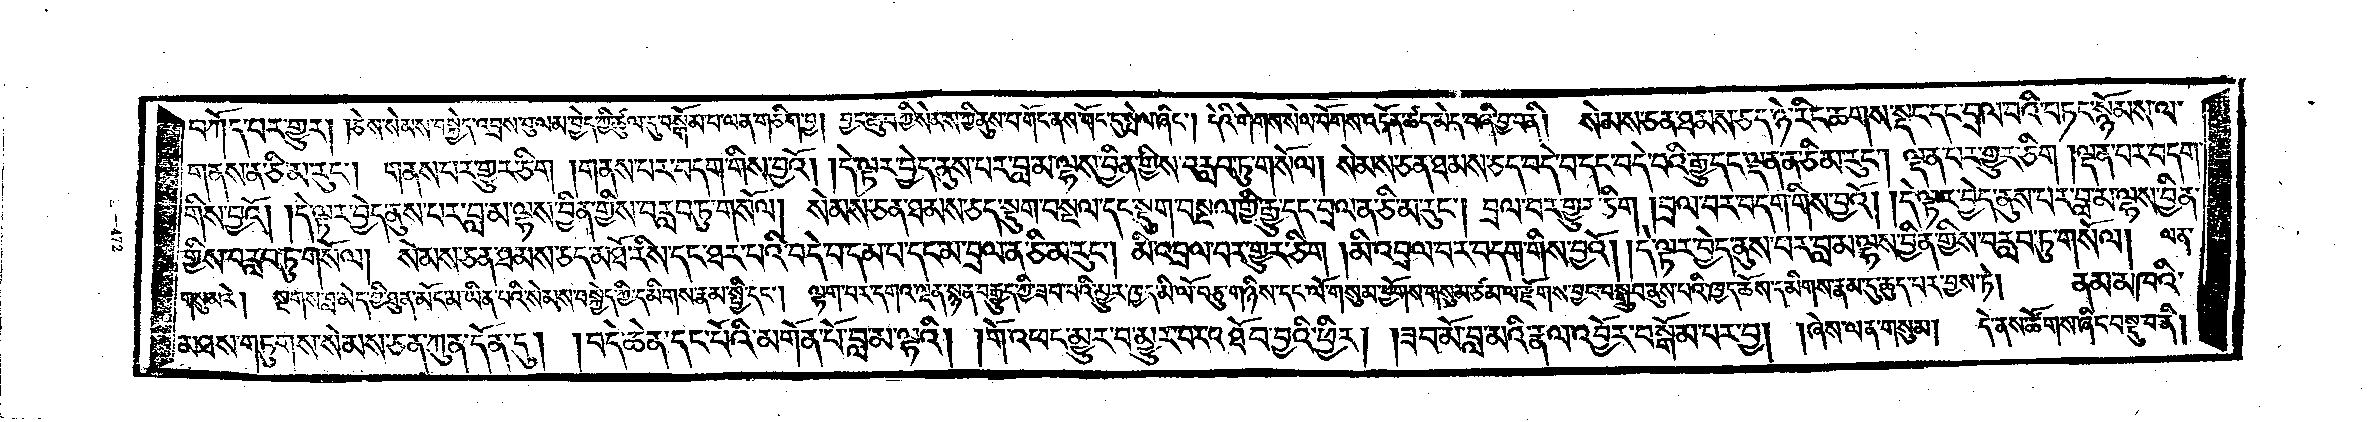བཀོད་པར་གྱུར། །ཅེས་སེམས་བསྐྱེད་འབྲས་བུ་ལམ་བྱེད་ཀྱི་ཚུལ་དུ་བསྒོམ་པ་ལན་གཅིག་བྱ། བྱང་ཆུབ་ཀྱི་སེམས་ཀྱི་ནུས་པ་གོང་ནས་གོང་དུ་སྤེལ་ཞིང་། དེའི་གེགས་སེལ་བོགས་འདོན་ཚད་མེད་བཞི་བྱ་བ་ནི།  སེམས་ཅན་ཐམས་ཅད་ཉེ་རིང་ཆགས་སྡང་དང་བྲལ་བའི་བཏང་སྙོམས་ལ་
གནས་ན་ཅི་མ་རུང་། གནས་པར་གྱུར་ཅིག །གནས་པར་བདག་གིས་བྱའོ། །དེ་ལྟར་བྱེད་ནུས་པར་བླ་མ་ལྷས་བྱིན་གྱིས་བརླབ་ཏུ་གསོལ། སེམས་ཅན་ཐམས་ཅད་བདེ་བ་དང་བདེ་བའི་རྒྱུ་དང་ལྡན་ན་ཅི་མ་རུང་། ལྡན་པར་གྱུར་ཅིག །ལྡན་པར་བདག་
གིས་བྱའོ། །དེ་ལྟར་བྱེད་ནུས་པར་བླ་མ་ལྷས་བྱིན་གྱིས་བརླབ་ཏུ་གསོལ། སེམས་ཅན་ཐམས་ཅད་སྡུག་བསྔལ་དང་སྡུག་བསྔལ་གྱི་རྒྱུ་དང་བྲལ་ན་ཅི་མ་རུང་། བྲལ་བར་གྱུར་ཅིག །བྲལ་བར་བདག་གིས་བྱའོ། །དེ་ལྟར་བྱེད་ནུས་པར་བླ་མ་ལྷས་བྱིན་
གྱིས་བརླབ་ཏུ་གསོལ། སེམས་ཅན་ཐམས་ཅད་མཐོ་རིས་དང་ཐར་པའི་བདེ་བ་དམ་པ་དང་མ་བྲལ་ན་ཅི་མ་རུང་། མི་འབྲལ་བར་གྱུར་ཅིག །མི་འབྲལ་བར་བདག་གིས་བྱའོ། །དེ་ལྟར་བྱེད་ནུས་པར་བླ་མ་ལྷས་བྱིན་གྱིས་བརླབ་ཏུ་གསོལ། ལན་
གསུམ་རེ། སྔགས་བླ་མེད་ཀྱི་ཐུན་མོང་མ་ཡིན་པའི་སེམས་བསྐྱེད་ཀྱི་དམིགས་རྣམ་སྤྱི་དང་། ལྷག་པར་དགའ་ལྡན་སྙན་བརྒྱུད་ཀྱི་ཟབ་པའི་མྱུར་ཁྱད་མི་ལོ་བཅུ་གཉིས་དང་ལོ་གསུམ་ཕྱོགས་གསུམ་ཙམ་ལ་རྫོགས་བྱང་བསྒྲུབ་ནུས་པའི་ཁྱད་ཆོས་དམིགས་རྣམ་དུ་ཆུད་པར་བྱས་ཏེ། ནམ་མཁའི་
མཐས་གཏུགས་སེམས་ཅན་ཀུན་དོན་དུ། །བདེ་ཆེན་དང་པོའི་མགོན་པོ་བླ་མ་ལྷའི། །གོ་འཕང་མྱུར་བ་མྱུར་བར་འཐོབ་བྱའི་ཕྱིར། །ཟབ་མོ་བླ་མའི་རྣལ་འབྱོར་བསྒོམ་པར་བྱ། །ཞེས་ལན་གསུམ། དེ་ནས་ཚོགས་ཞིང་བསྡུ་བ་ནི།